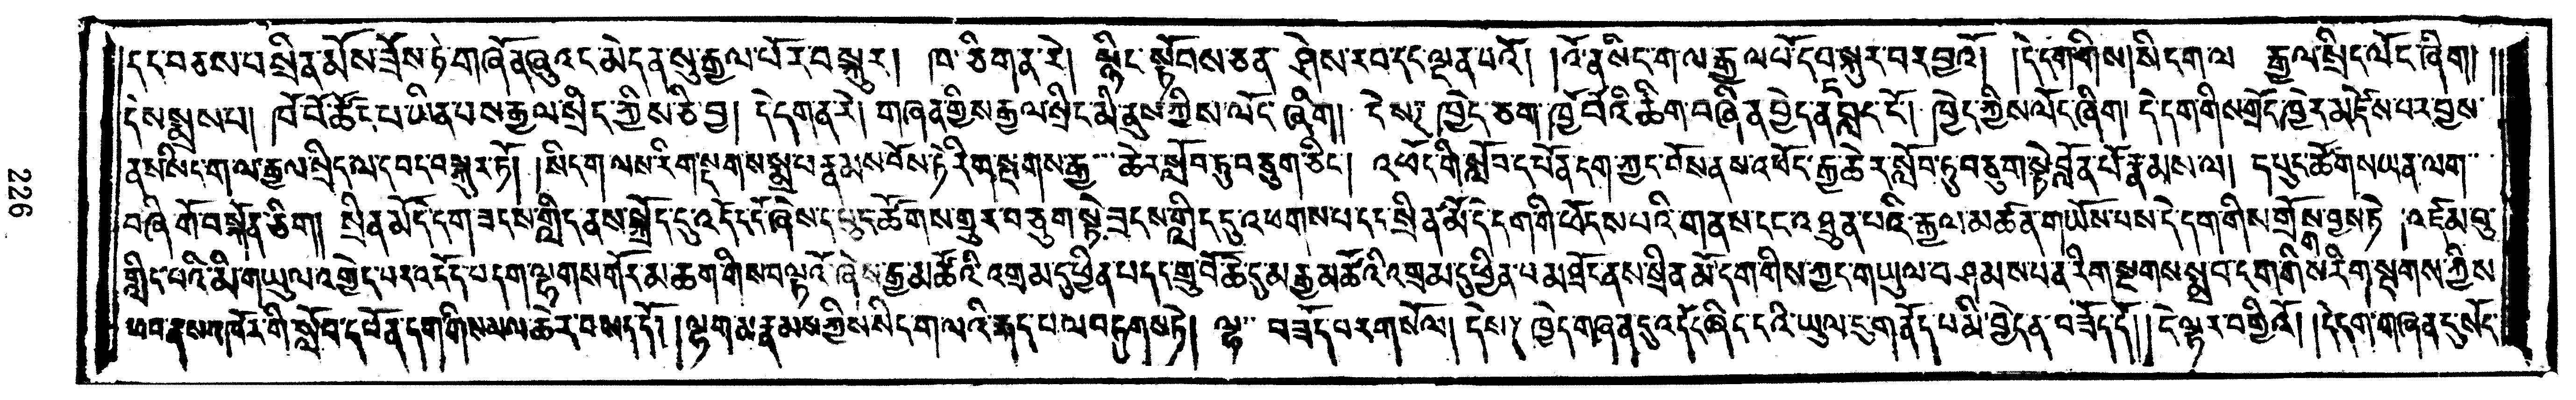དང་བཅས་པ་སྲིན་མོས་ཟོས་ཏེ་གཞོན་ཞུའང་མེད་ན་སུ་རྒྱལ་པོར་བསྐུར། ཁ་ཅིག་ན་རེ། སྙིང་སྟོབས་ཅན་ཤེས་རབ་དང་ལྡན་པའོ། །འོ་ན་སིང་ག་ལ་རྒྱལ་པོ་དབ་སྐུར་བར་བྱའོ། །དེ་དག་གིས་།སི་དག་ལ་རྒྱལ་སྲིད་ལོང་ཞིག། །
དེས་སྨྲས་པ། ཁོ་བོ་ཚོང་པ་ཡིན་པས་རྒྱལ་སྲིད་ཀྱིས་ཅི་བྱ། དེ་དག་ན་རེ། གཞན་གྱིས་རྒྱལ་སྲིད་མི་ནུས་ཀྱིས་ལོང་ཞིག། དེས༑ ཁྱེད་ཅག་ཁྱོ་བོའི་ཚིག་བཞིན་བྱེད་ན་བླང་ངོ། །ཁྱེད་ཀྱིས་ལོང་ཞིག། དེ་དག་གིས་གྲོང་ཁྱེར་མཛེས་པར་བྱས་
ནས་སིང་ག་ལ་རྒྱལ་སྲིད་ལ་དབང་བསྐུར་ཏོ། །སིང་ག་ལས་རིག་སྔགས་སྨྲ་པ་རྣམས་བོས་ཏེ་རིག་སྔགས་རྒྱ་ཆེར་སློབ་ཏུ་བཅུག་ཅིང་། འཕོང་གི་སློབ་དཔོན་དག་ཀྱང་བོས་ནས་འཕོང་རྒྱ་ཆེར་སློབ་ཏུ་བཅུག་སྟེ་བློན་པོ་རྣམས་ལ། དཔུང་ཚོགས་ཡན་ལག་
བཞི་གོ་བསྐོན་ཅིག། སྲིན་མོ་དེ་དག་ཟངས་གླིང་ནས་སྐྲོད་དུ་འདོང་ངོ་ཞེས་དཔུང་ཚོགས་གྱུར་བཅུག་སྟེ་ཟངས་གླིང་དུ་འཕགས་པ་དང་སྲིན་མོ་དེ་དག་གི་ཕོངས་པའི་གནས་དང་འཐུན་པའི་རྒྱལ་མཚན་གཡོས་པས་དེ་དག་གིས་གྲོགས་བྱས་ཏེ། འཛམ་བུ་
གླིང་པའི་མི་གཡུལ་འགྱེད་པར་འདོད་པ་དག་ལྷགས་གོར་མ་ཆག་གིས་བལྟའོ་ཞེས་རྒྱ་མཚོའི་འགྲམ་དུ་ཕྱིན་པ་དང་གྲུ་བོ་ཆེ་དུ་མ་རྒྱ་མཚོའི་འགྲམ་དུ་ཕྱིན་པ་མཐོང་ནས་སྲིན་མོ་དག་གིས་ཀྱང་གཡུལ་བཤམས་པ་ན་རིག་སྔགས་སྨྲ་བ་དག་གིས་རིག་སྔགས་ཀྱིས་
ཕབ་ནས་འཁོར་གི་སློབ་དཔོན་དག་གིས་མལ་ཆེར་བསད་དོ། །ལྷག་མ་རྣམས་ཀྱིས་སིང་ག་ལའི་རྐད་པ་ལ་བཏུགས་ཏེ། ལྷ་བཟོད་པར་གསོལ། དེས༑ ཁྱེད་གཞན་དུ་འདོང་ཞིང་ངའི་ཡུལ་དུ་གནོད་པ་མི་བྱེད་ན་བཟོད་དོ། །དེ་ལྟར་བགྱིའོ། །དེ་དག་གཞན་དུ་སོང་